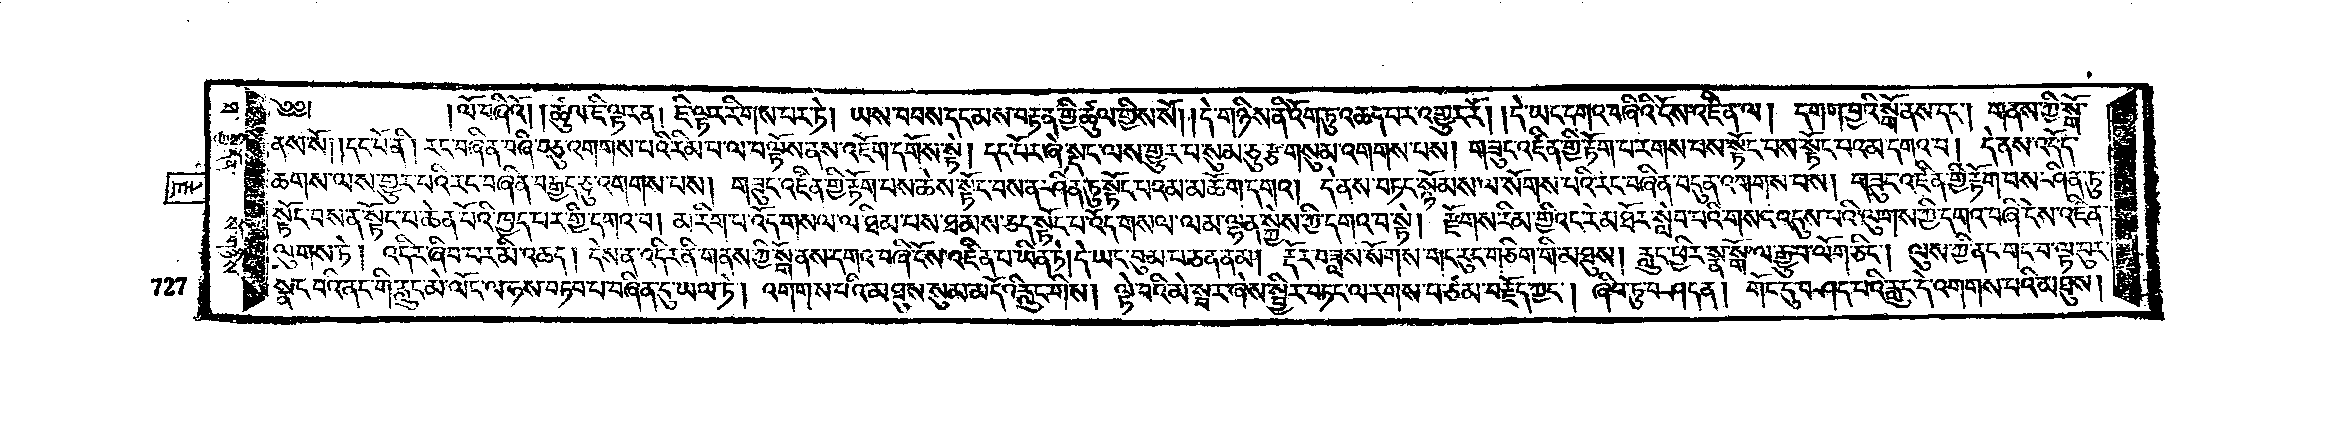༄༅། །ལོ་བཞིའོ། །ཚུལ་ཇི་ལྟར་ན། ཇི་ལྟར་རིགས་པར་ཏེ། ཡས་བབས་དང་མས་བརྟན་གྱི་ཚུལ་གྱིས་སོ། །དེ་གཉིས་ནི་འོག་ཏུ་འཆད་པར་འགྱུར་རོ། །དེ་ཡང་དགའ་བཞིའི་ངོས་འཛིན་ལ། དགག་བྱའི་སྒོ་ནས་དང་། གནས་ཀྱི་སྒོ་
ནས་སོ། །དང་པོ་ནི། རང་བཞིན་བཞི་བཅུ་འགགས་པའི་རིམ་པ་ལ་བལྟོས་ནས་འཇོག་དགོས་སྟེ། དང་པོར་ཞེ་སྡང་ལས་གྱུར་པ་སུམ་ཅུ་རྩ་གསུམ་འགགས་པས། གཟུང་འཛིན་གྱི་རྟོག་པ་རགས་པས་སྟོང་པས་སྟོང་པའམ་དགའ་བ། དེ་ནས་འདོད་
ཆགས་ལས་གྱུར་པའི་རང་བཞིན་བརྒྱད་ཅུ་འགགས་པས། གཟུང་འཛིན་གྱི་རྟོག་པས་ཆེས་སྟོང་བས་ན་ཤིན་ཏུ་སྟོང་པའམ་མཆོག་དགའ། དེ་ནས་བཏང་སྙོམས་ལ་སོགས་པའི་རང་བཞིན་བདུན་འགགས་པས། གཟུང་འཛིན་གྱི་རྟོག་པས་ཤིན་ཏུ་
སྟོང་བས་ན་སྟོང་པ་ཆེན་པོའི་ཁྱད་པར་གྱི་དགའ་བ། མ་རིག་པ་འོད་གསལ་ལ་ཐིམ་པས་ཐམས་ཅད་སྟོང་པ་འོད་གསལ་ལམ་ལྷན་སྐྱེས་ཀྱི་དགའ་བ་སྟེ། རྫོགས་རིམ་གྱིའང་རེ་མཐོར་སླེབ་པའི་གསང་འདུས་པའི་ལུགས་ཀྱི་དགའ་བཞི་ངོས་འཛིན་
ལུགས་ཏེ། འདིར་ཞིབ་པར་མི་འཆད། དེས་ན་འདིར་ནི་གནས་ཀྱི་སྒོ་ནས་དགའ་བཞི་ངོས་འཛིན་པ་ཡིན་ཏེ། དེ་ཡང་བུམ་པ་ཅན་ནམ། རྡོར་བཟླས་སོགས་གང་རུང་གཅིག་གི་མཐུས། རླུང་ཕྱིར་སྣ་སྒོ་ལ་རྒྱུ་བ་ལོག་ཅིང་། ལུས་ཀྱི་ནང་གང་བ་ལྟ་བུར་
སྣང་བའི་ནང་གི་རླུང་མེ་ལོང་ལ་ཧས་བཏབ་པ་བཞིན་དུ་ཡལ་ཏེ། འགགས་པའི་མཐུས་སུམ་མདོའི་རླུང་གིས། ལྟེ་བའི་མེ་སྦར་ཞེས་སྤྱིར་བཏང་ལ་རགས་པ་ཙམ་བརྗོད་ཀྱང་། ཞིབ་ཏུ་བཤད་ན། གོང་དུ་བཤད་པའི་རླུང་དེ་འགགས་པའི་མཐུས།